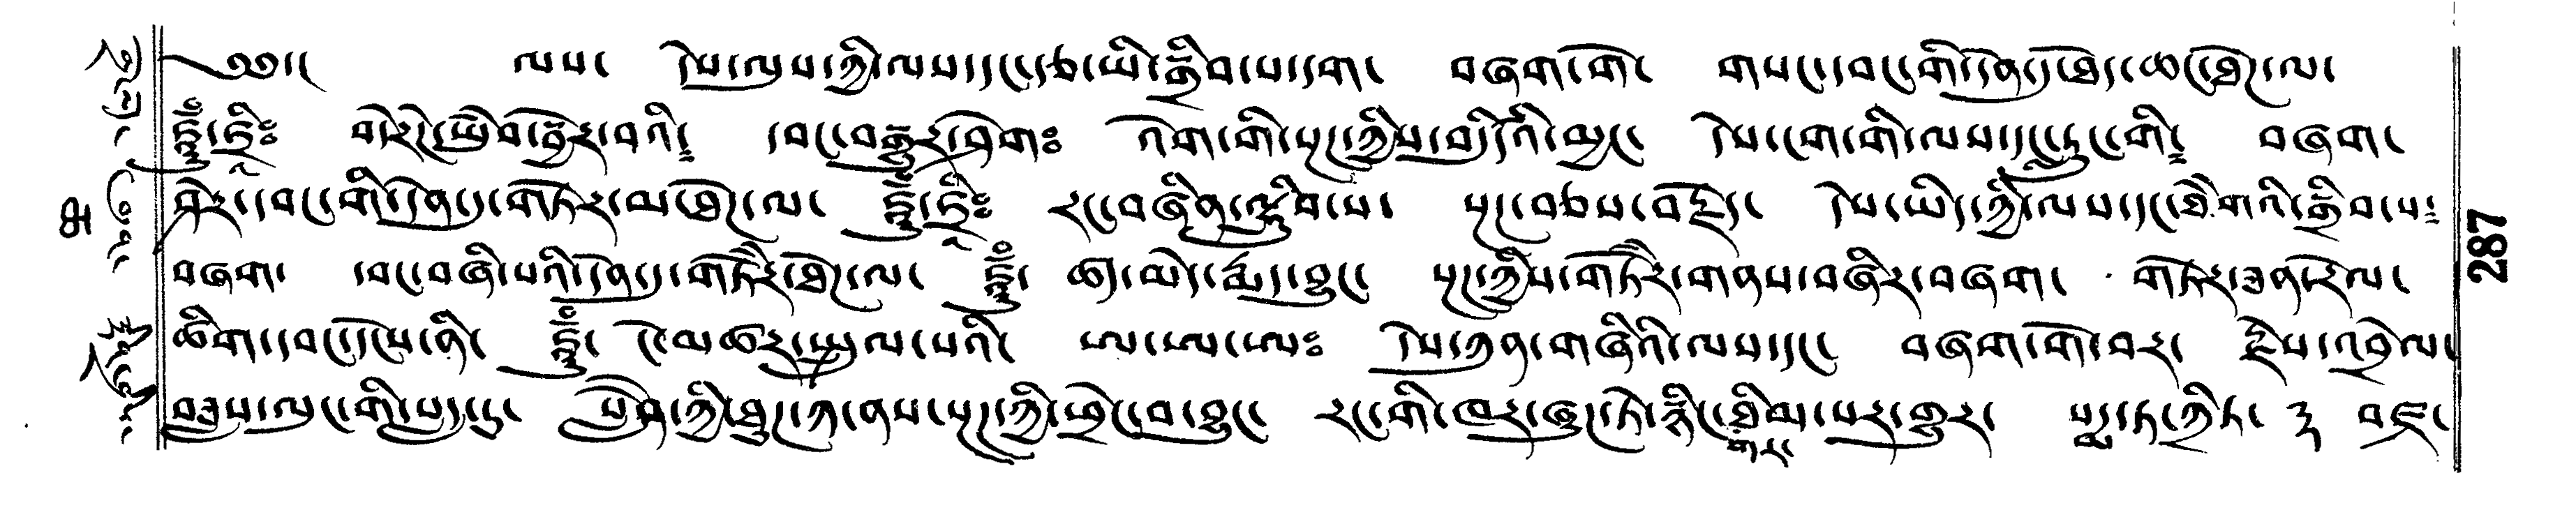ལས། དེས་ལུས་ཀྱི་ལས་དང་རྩ་ཡི༴ བཞག་གོ གསང་དབང་གི་དོན་དུ་ཐོད་ཆང་ཐོགས་ལ། 
ཧཱུྃ་ཧྲཱིཿ བདེ་གཤེགས་ཡབ་ཡུམ༴ དབང་བསྒྱུར་ཤོག༔ འོག་གི་སྔགས་ཀྱིས་བདུད་རྩིའི་མྱང་། དེས་ངག་གི་ལས་དང་རླུང་གི༴ བཞག་
ཤེར་དབང་གི་དོན་དུ་གཏོར་མ་ཐོགས་ལ། ཧཱུྃ་ཧྲཱིཿ རང་བཞིན་ལྷུན་གྱི་གྲུབ་པ༴ སྔགས་བཅས་བརྗོད། དེས་ཡིད་ཀྱི་ལས་དང་ཐིག་ལེའི་སྒྲིབ་པ་
བཞག དབང་བཞི་པའི་དོན་དུ་གཏོར་མ་ཐོགས་ལ། ཧཱུྃ༔ ཚད་མེད་རྨད་བྱུང༴ སྔགས་ཀྱིས་གཏོར་མ་གནས་བཞིར་བཞག གཏོར་ཟན་རོལ། 
ཚིག་དབང་དངོས་ནི། ཧཱུྃ༔ ངོ་མཚར་སྤྲུལ་པའི༴ ཨ་ཨ་ཨཱཿ དེས་ཀུན་གཞིའི་ལས་དང༴ བཞག་གོ བར། རྗེས་འབྲེལ་
བཟླས་ལུང་གི་སླད་དུ། སློབ་དཔོན་ཀྱི་ཐུགས་ཀ་ནས་སྔགས་ཀྱི་ཕྲེང་བ་བྱུང་། རང་གི་ཁར་ཞུགས་ཏེ་སྙིང་གར་ཐིམ་པར་གྱུར། པདྨ་ཏ་ཀྲིཏ༴ གསུམ། བཛྲ་